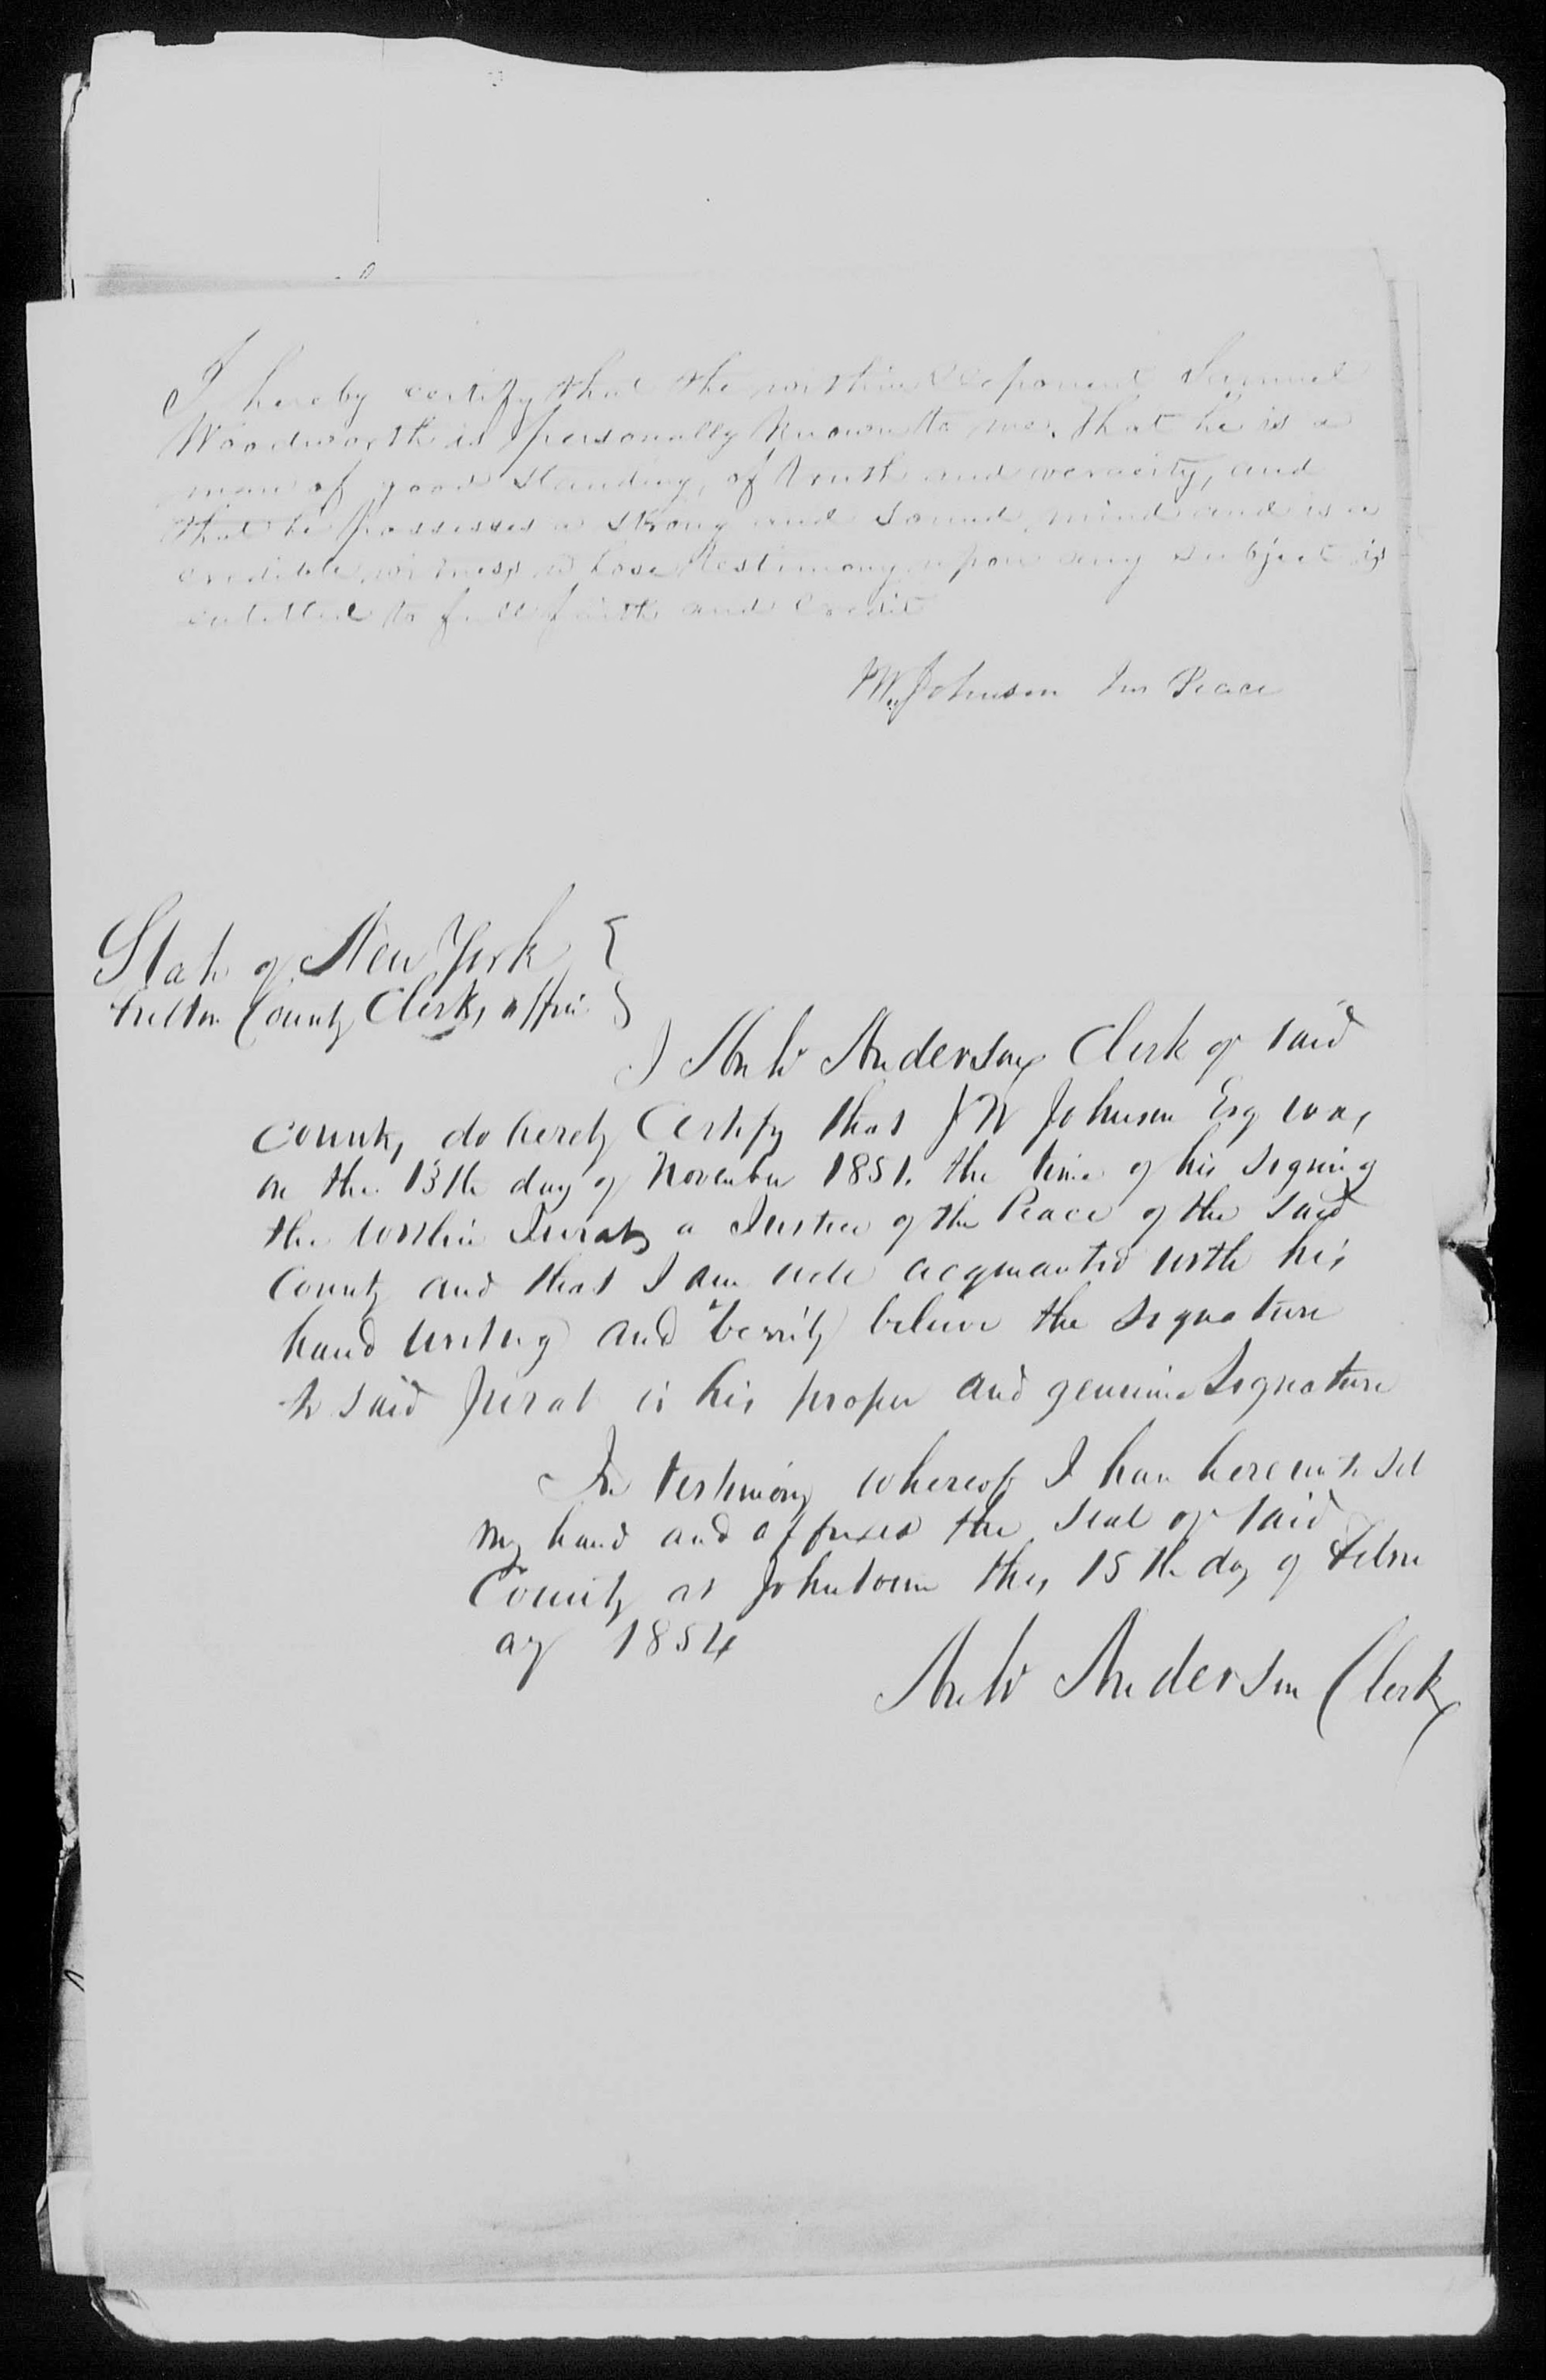I hereby certify that the within Deponent Samuel Woodworth is personally known to me. That he is a man of good standing, of truth and veracity, and that he possesses a strong and sound mind and is a credible witness whose testimony upon any subject is entitled to full faith and credit
JW. Johnson Jus Peace

State of New York
Fulton County Clerks office }
I [illegible] Clerk of said County do hereby Certify that J W Johnson Esq was on the 13th day of November 1851. the time of his signing the within Jurat a Justice of the Peace of the said County and that I am well acquainted with his hand writing and Verily believe the signature to said Jurat is his proper and genuine Signature
In Testimony whereof I have hereunto set my hand and affixed the seal of said County at Johnstown this 15th day of February 1854
[illegible] Clerk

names: J W Johnson, Samuel Woodworth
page: 83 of 106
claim: survivor's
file: S 23,116., Joshua Benedict, Conn.